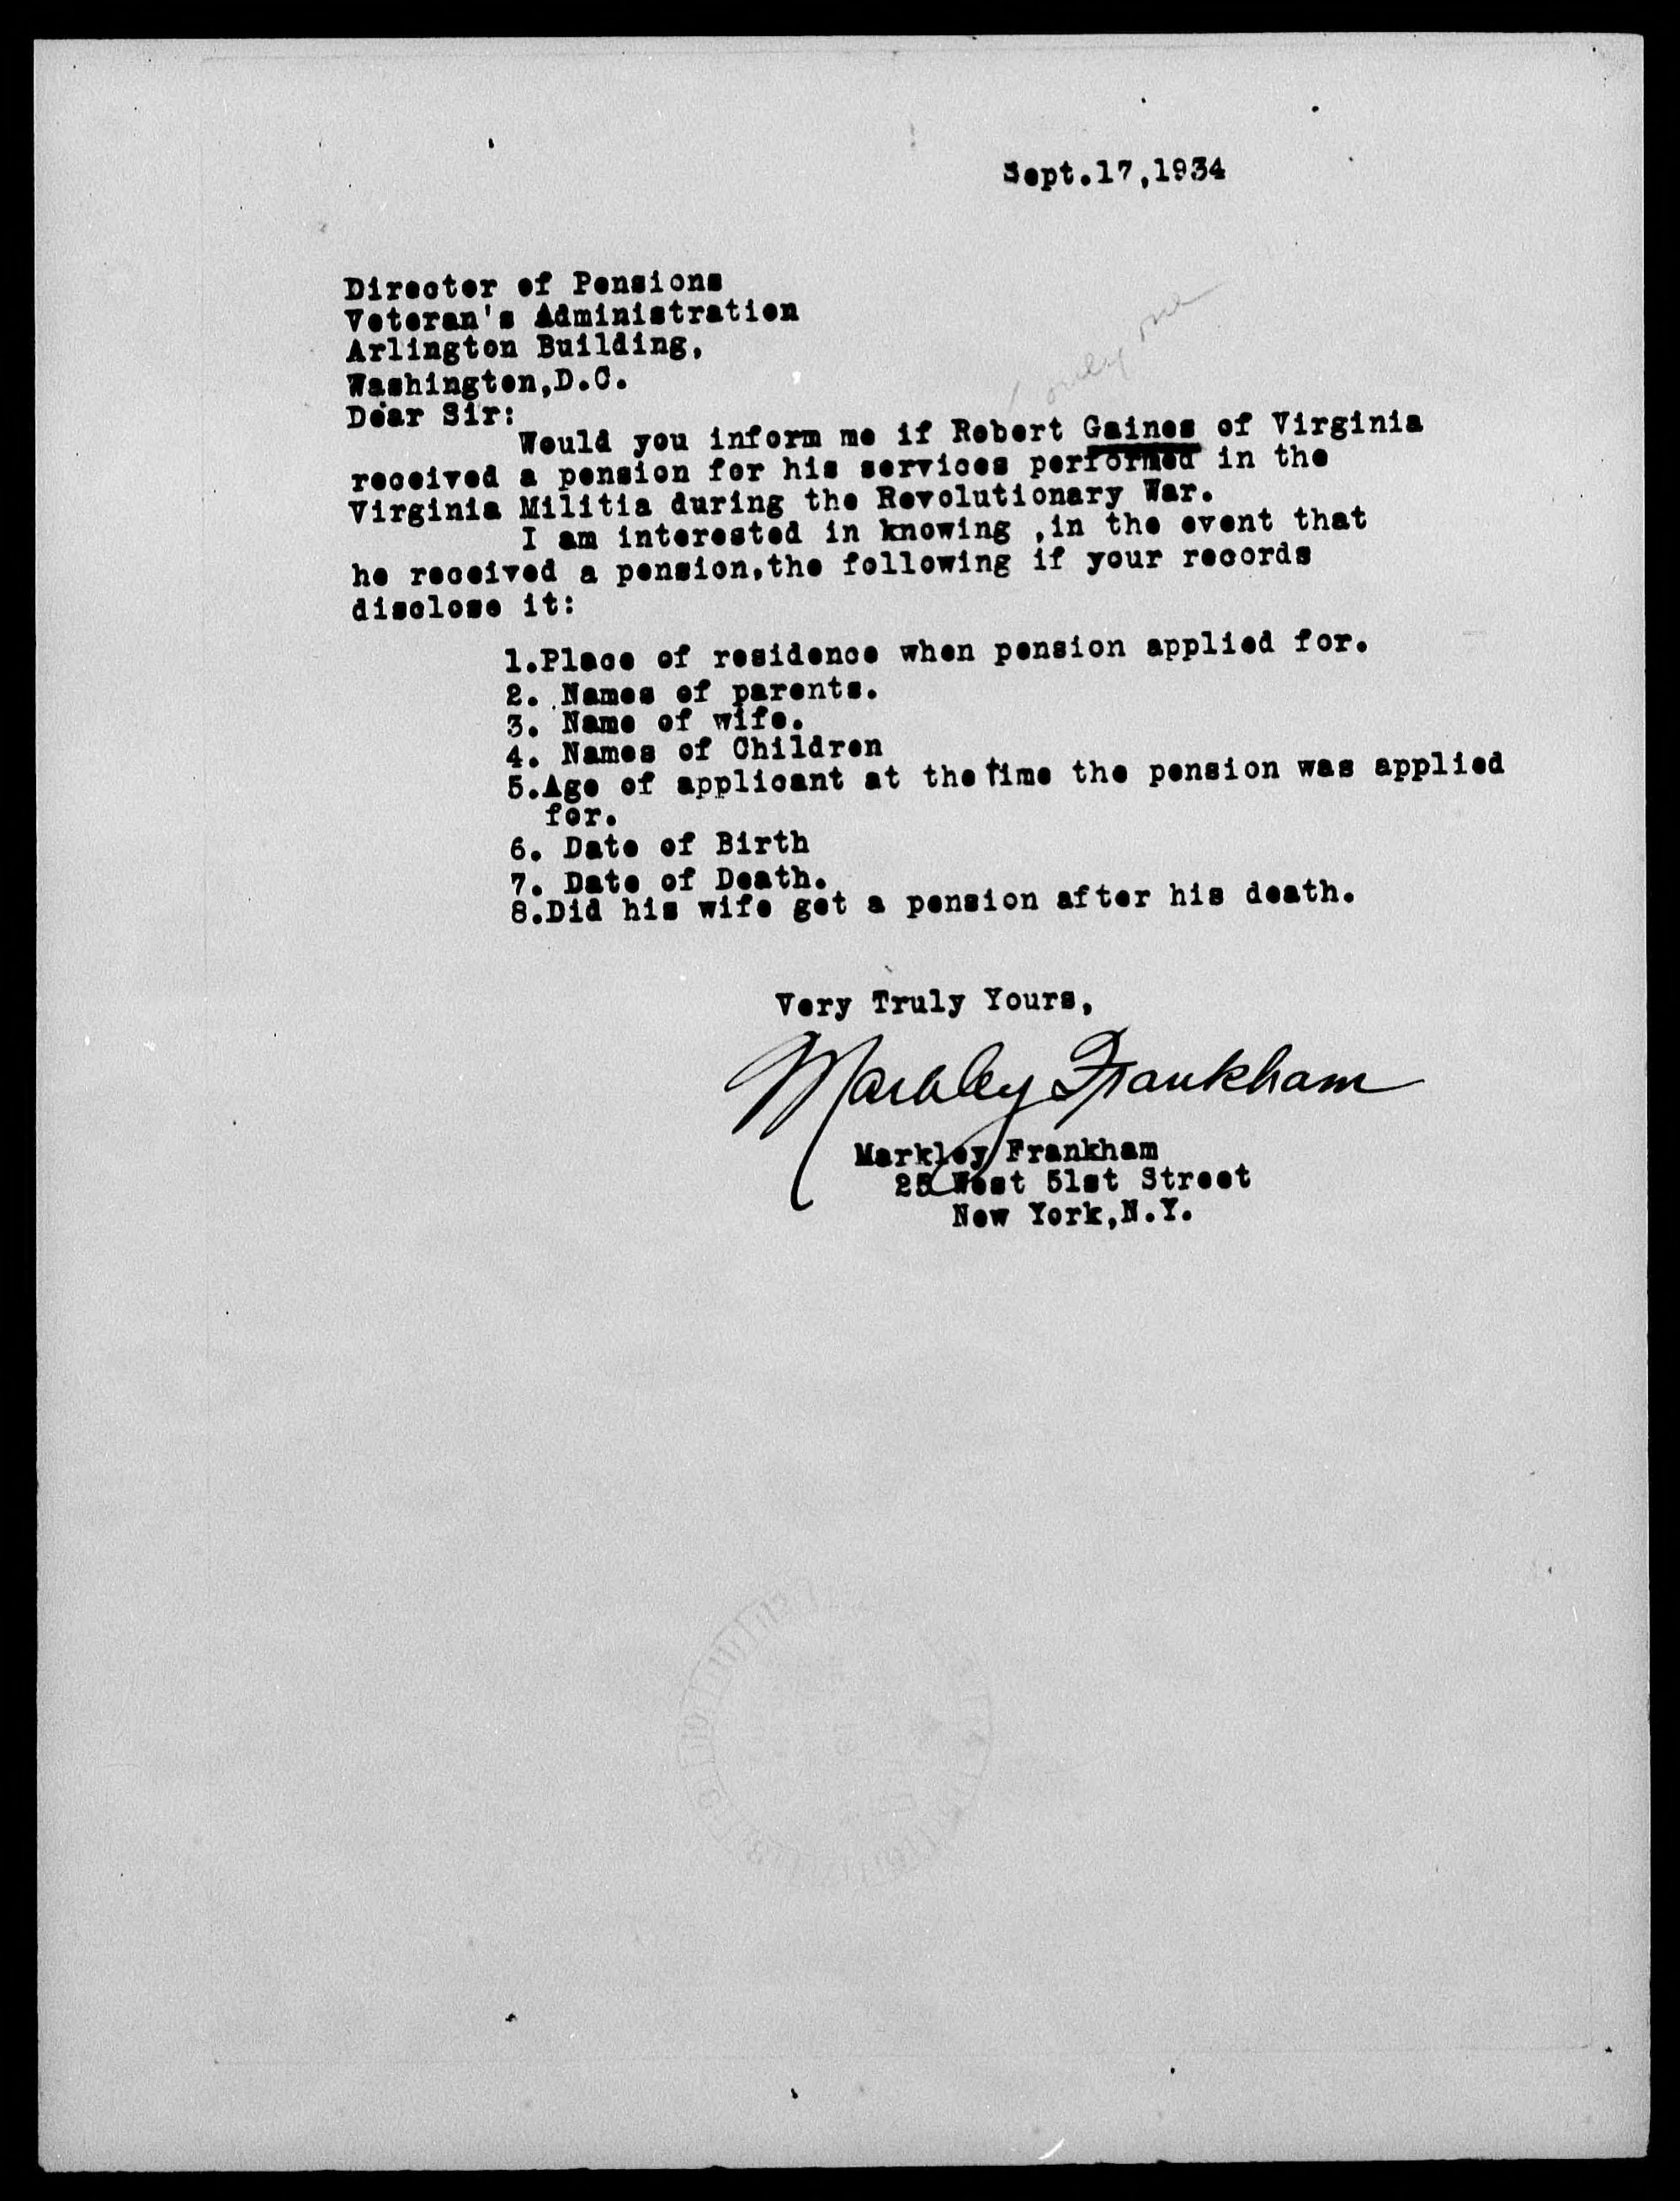Sept.17,1934
Director of Pensions,
Veteran's Administration
Arlington Building,
Washington, D.C.
Dear Sir:
Would you inform me if [inserted] only one [/inserted] Robert Gaines of Virginia received a pension for his services performed in the
Revolutionary War.
I am interested in knowing, in the event that he received a pension, the following if your records disclose it:
1. Place of residence when pension applied for.
2. Names of parents.
3. Name of wife.
4. Names of Children
5. Age of applicant at the time the pension was applied for.
6. Date of Birth
7. Date of Death.
8. Did his wife get a pension after his death.
Very Truly Yours,
Markley Frankham
Markley Frankham
25 West 51st Street
New York, N. Y.

[illegible]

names: Markley Frankham, Robert Gaines, Markley Frankham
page: 38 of 79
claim: rejected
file: R. 3863, Robert Gaines, Va.